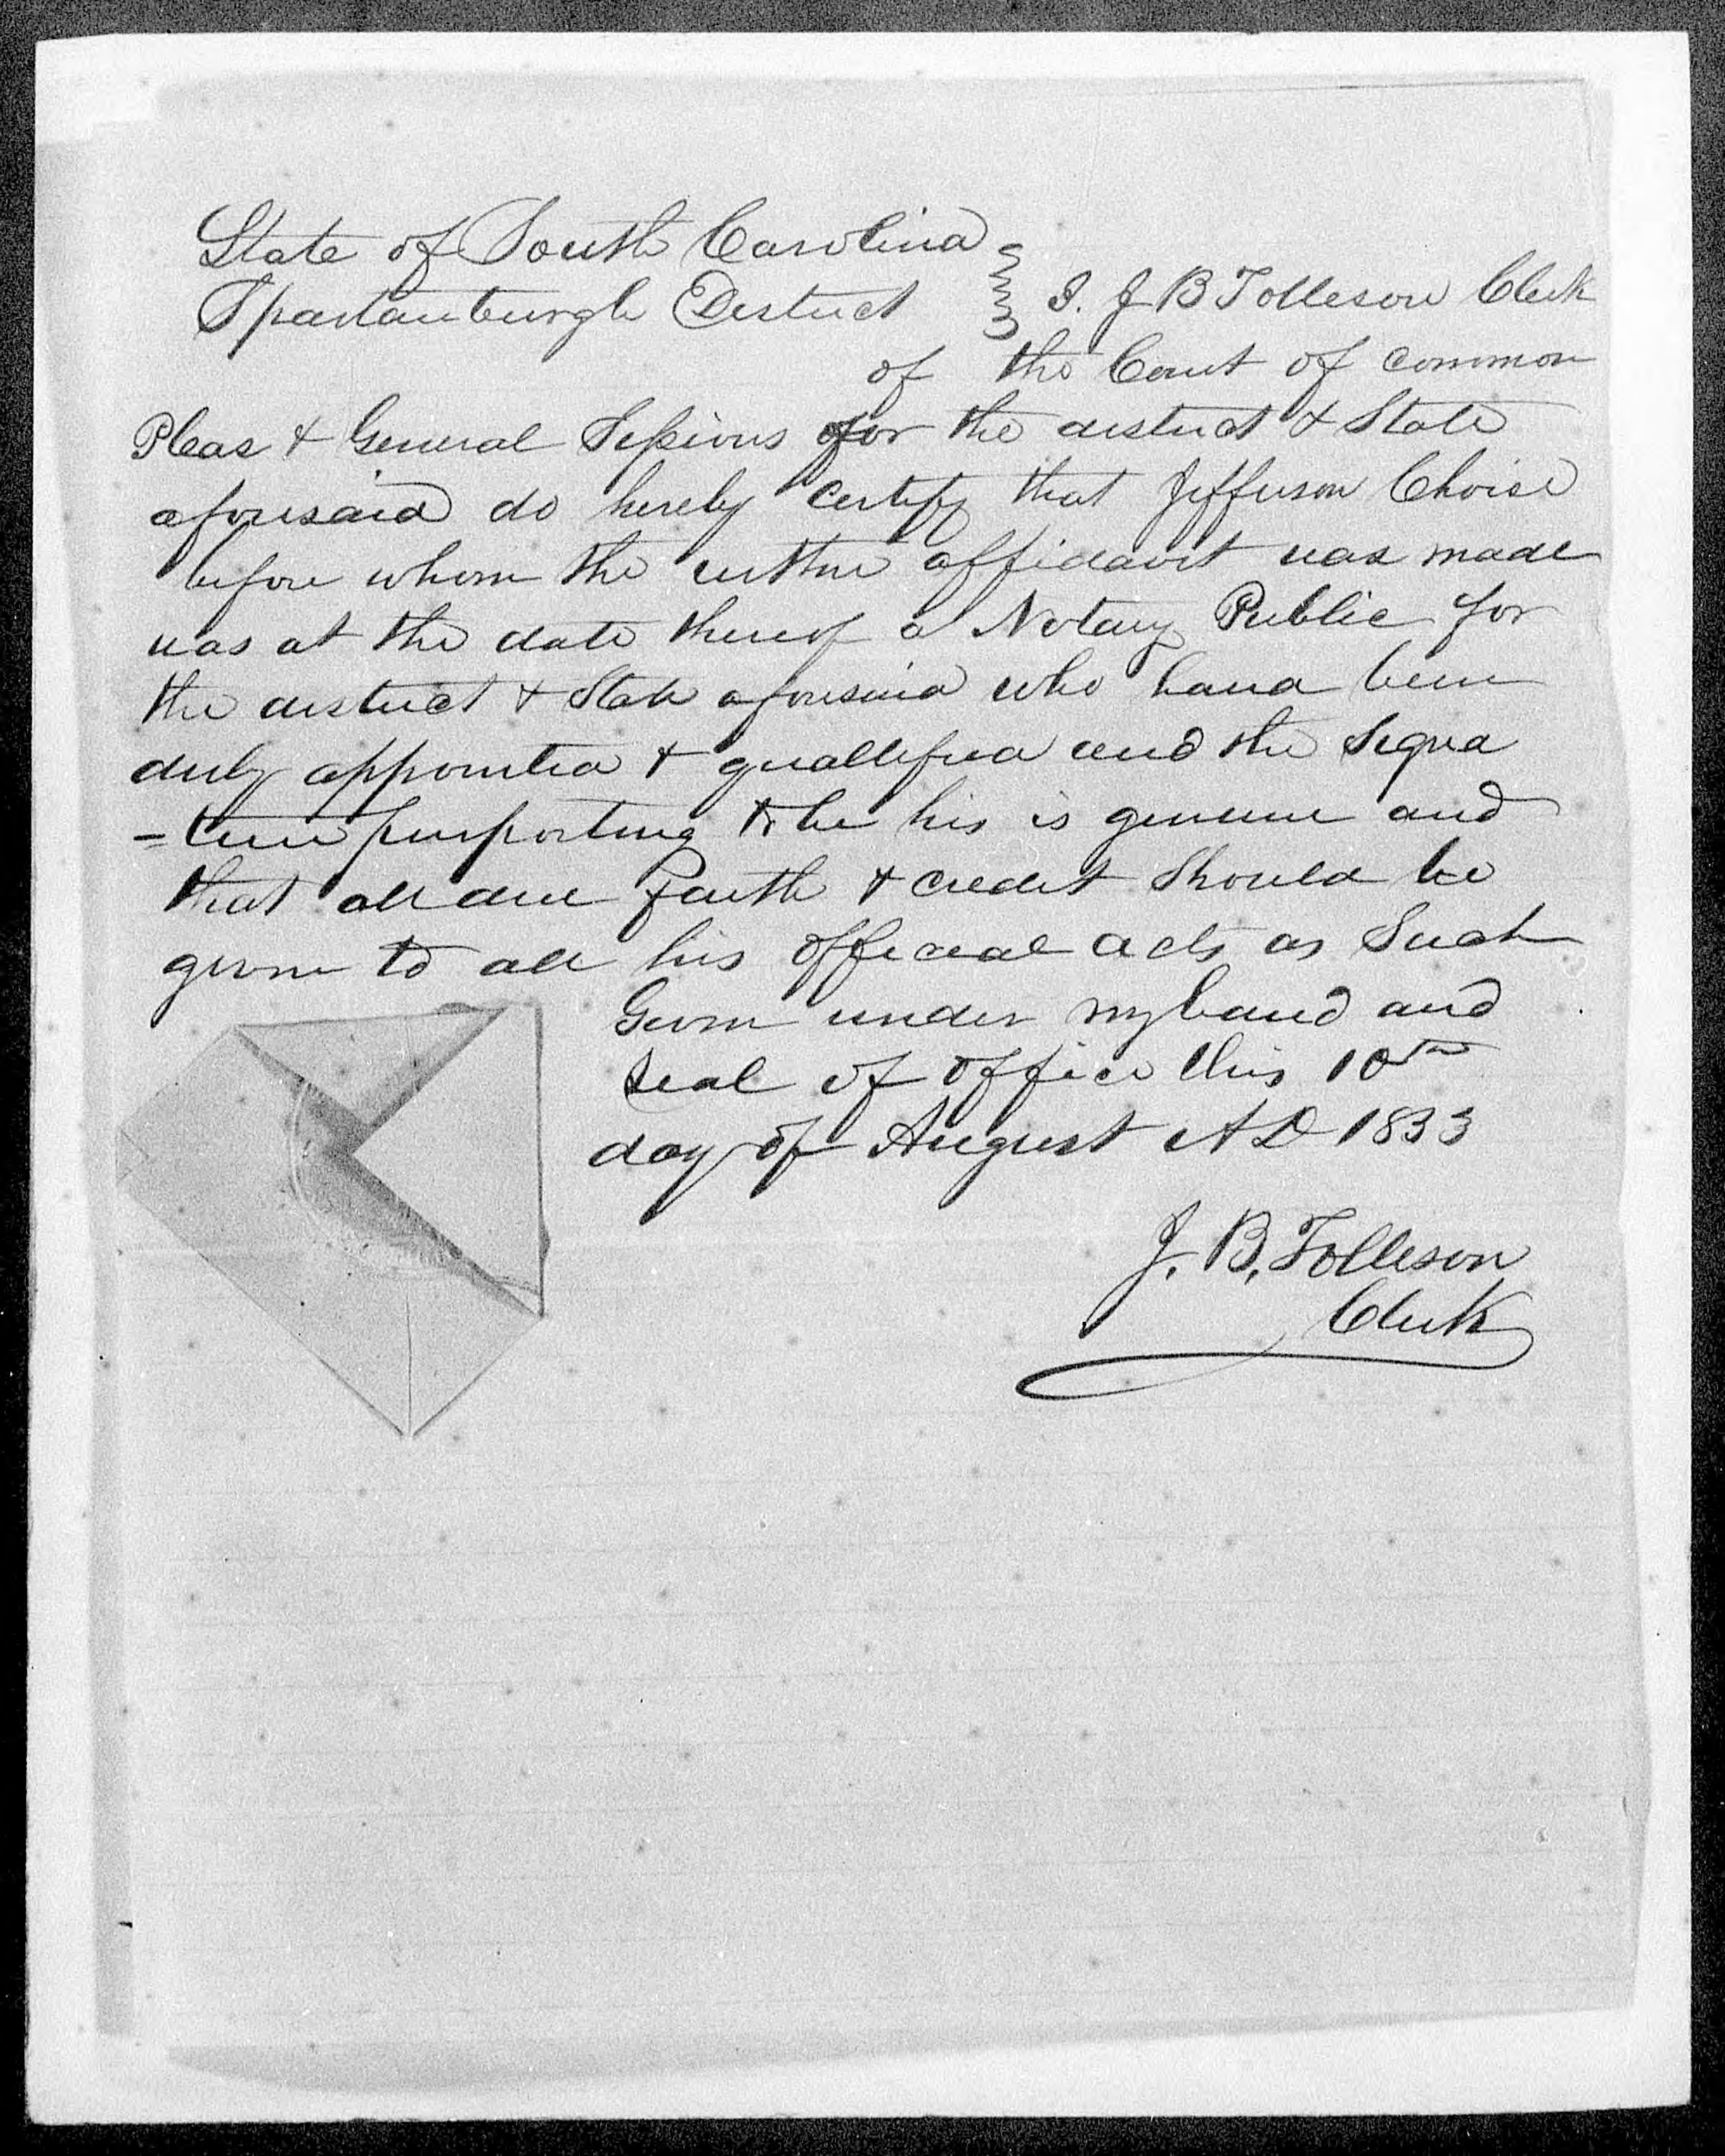State of South Carolina
Spartanburgh District
I J B Tolleson Clerk
of the Court of Common
Pleas & General Sessions for the district & state
aforesaid do hereby certify that Jefferson Choise
before whom the [illegible] officially was made
was at the date thereof a Notary Public for
the district & State aforesaid who [illegible] been
duly appointed & quallified and the signature
purporting to be his is genuine and
that all due faith & credit should be
given to all his officeal acts as Such
sworn under my hand and
seal of office this 10th
day of August AD 1833
J. B. Tolleson
Clerk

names: J B Tolleson, Jefferson Choice, Sessions, J B Tolleson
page: 34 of 57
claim: survivor's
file: S. 18888, David Golightly, S.C.